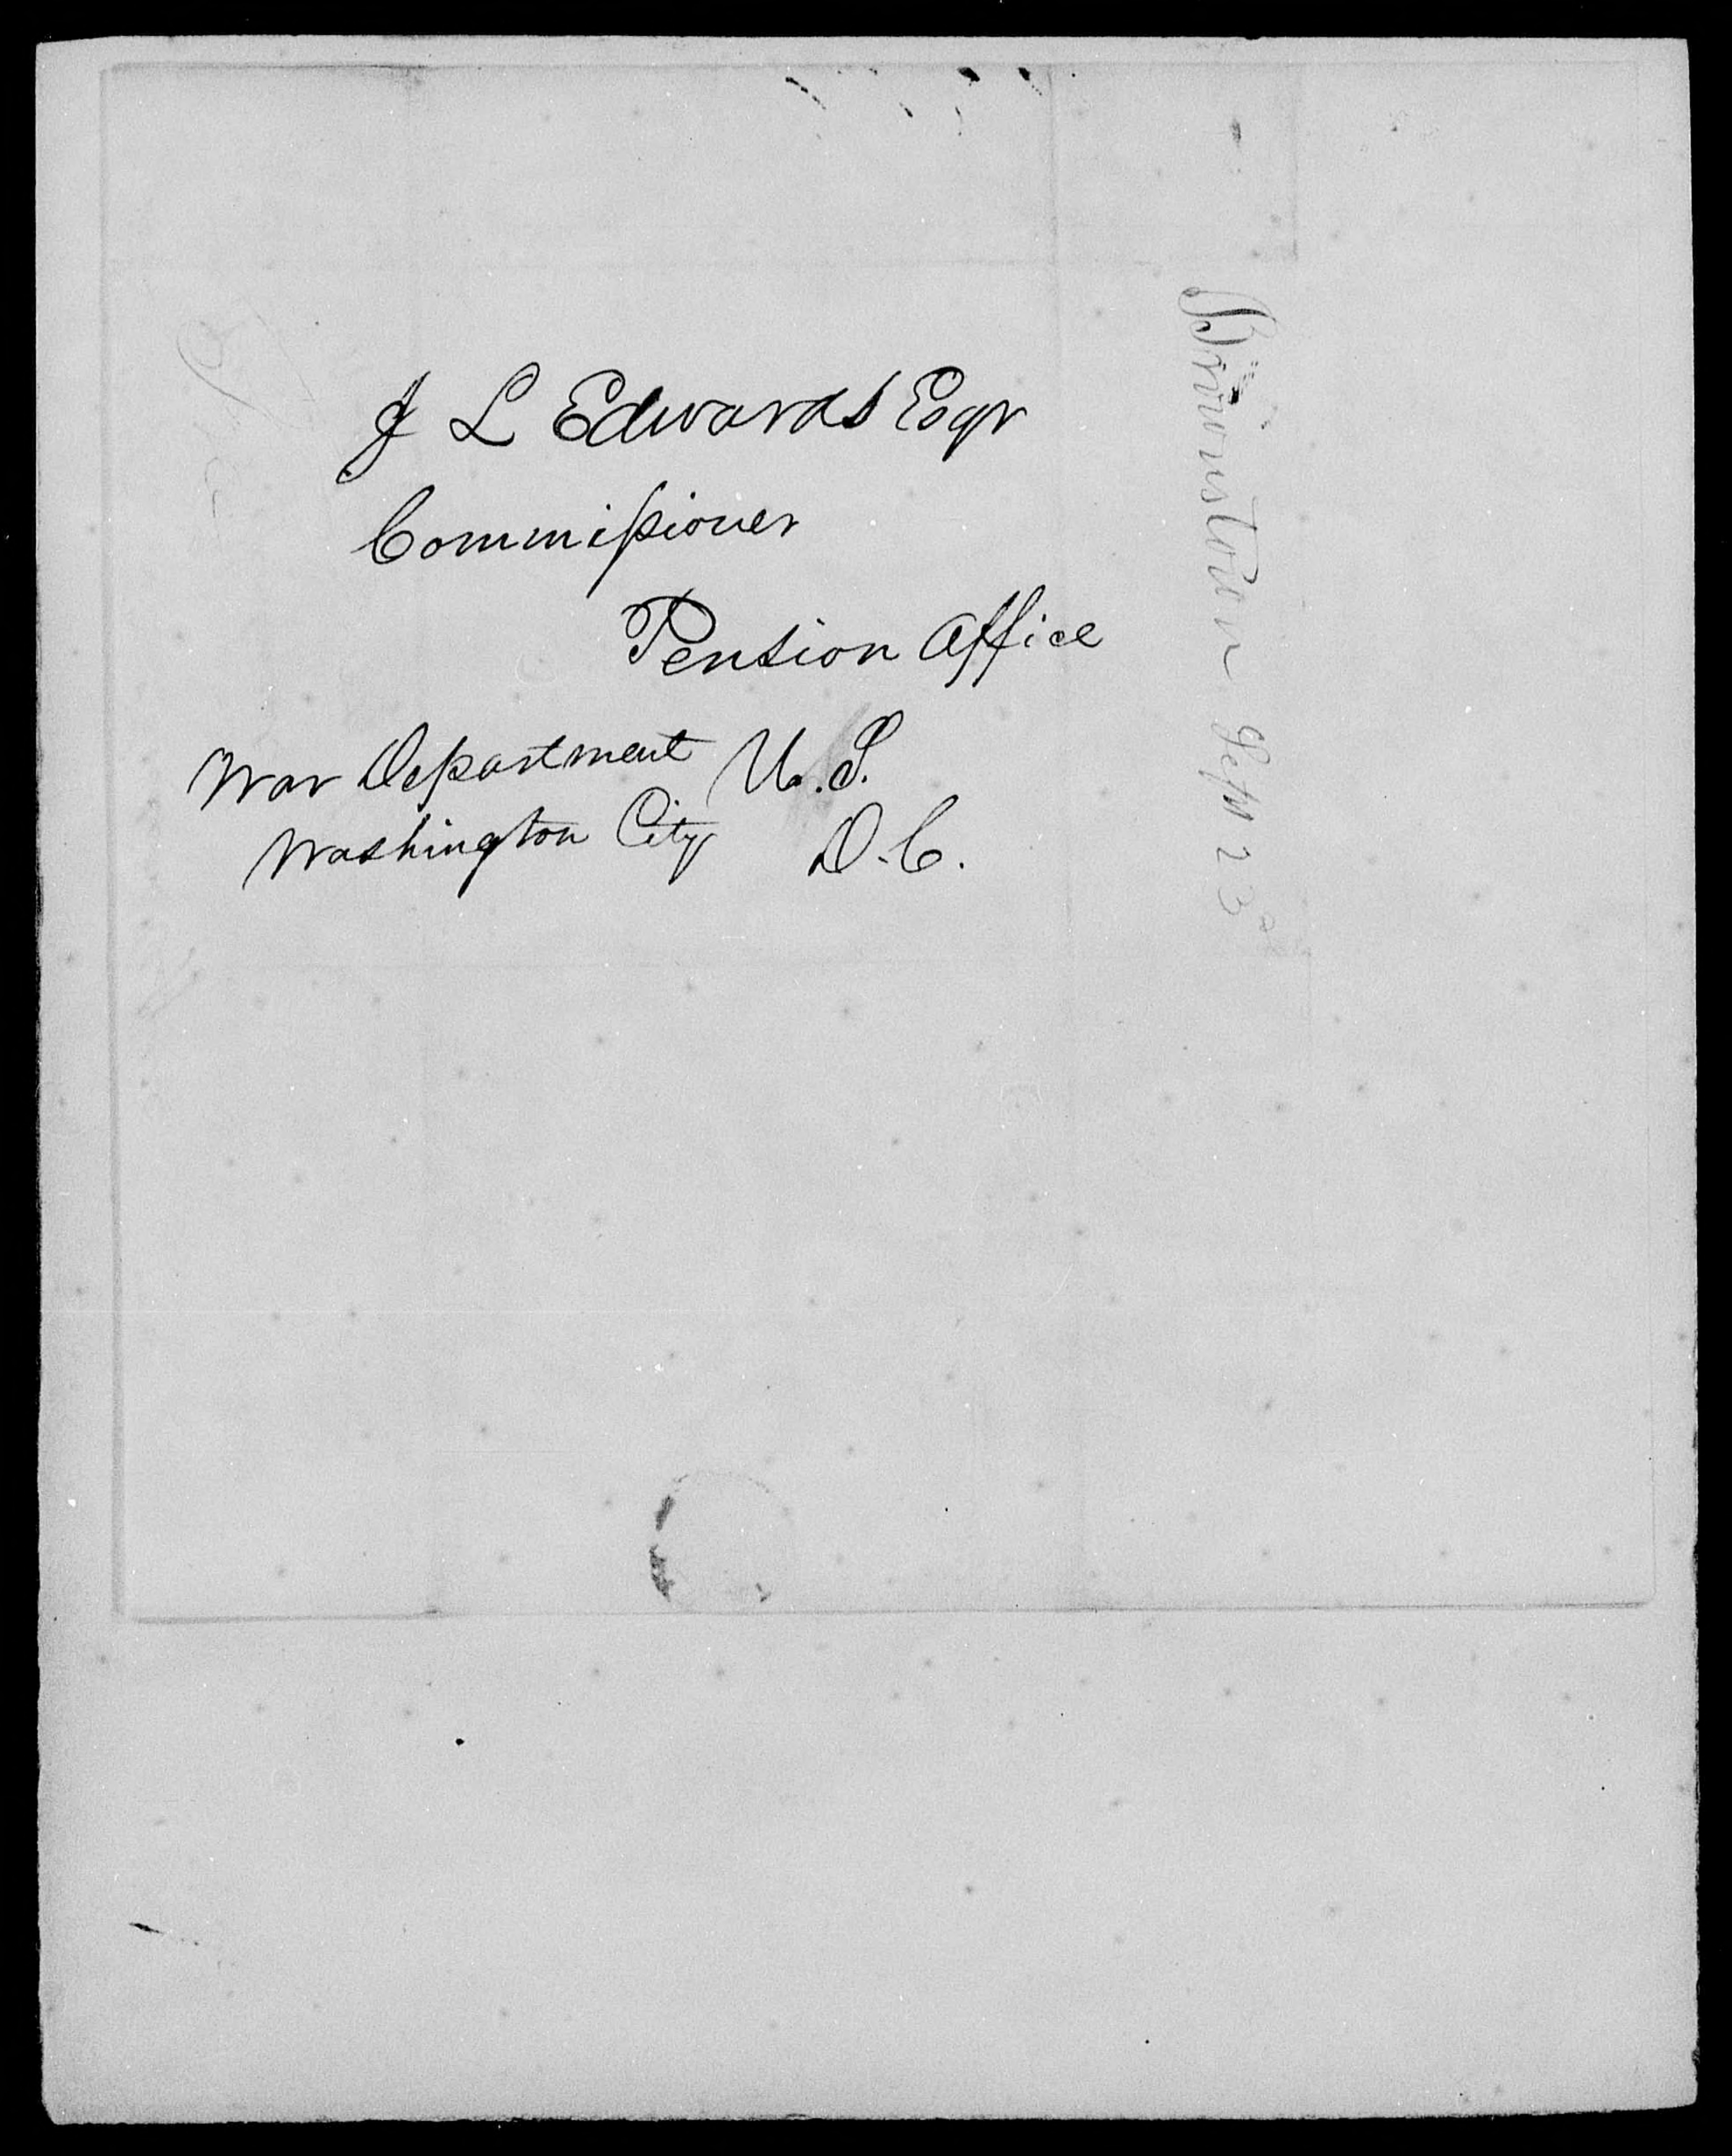J L Edwards Esqr
Commissioner
Pension Office
War Department
U.S.
Washington City
D.C.
Brownstown Sept 23d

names: J L Edwards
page: 27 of 36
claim: survivor's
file: S. 31,718, James Guffey, Penn.